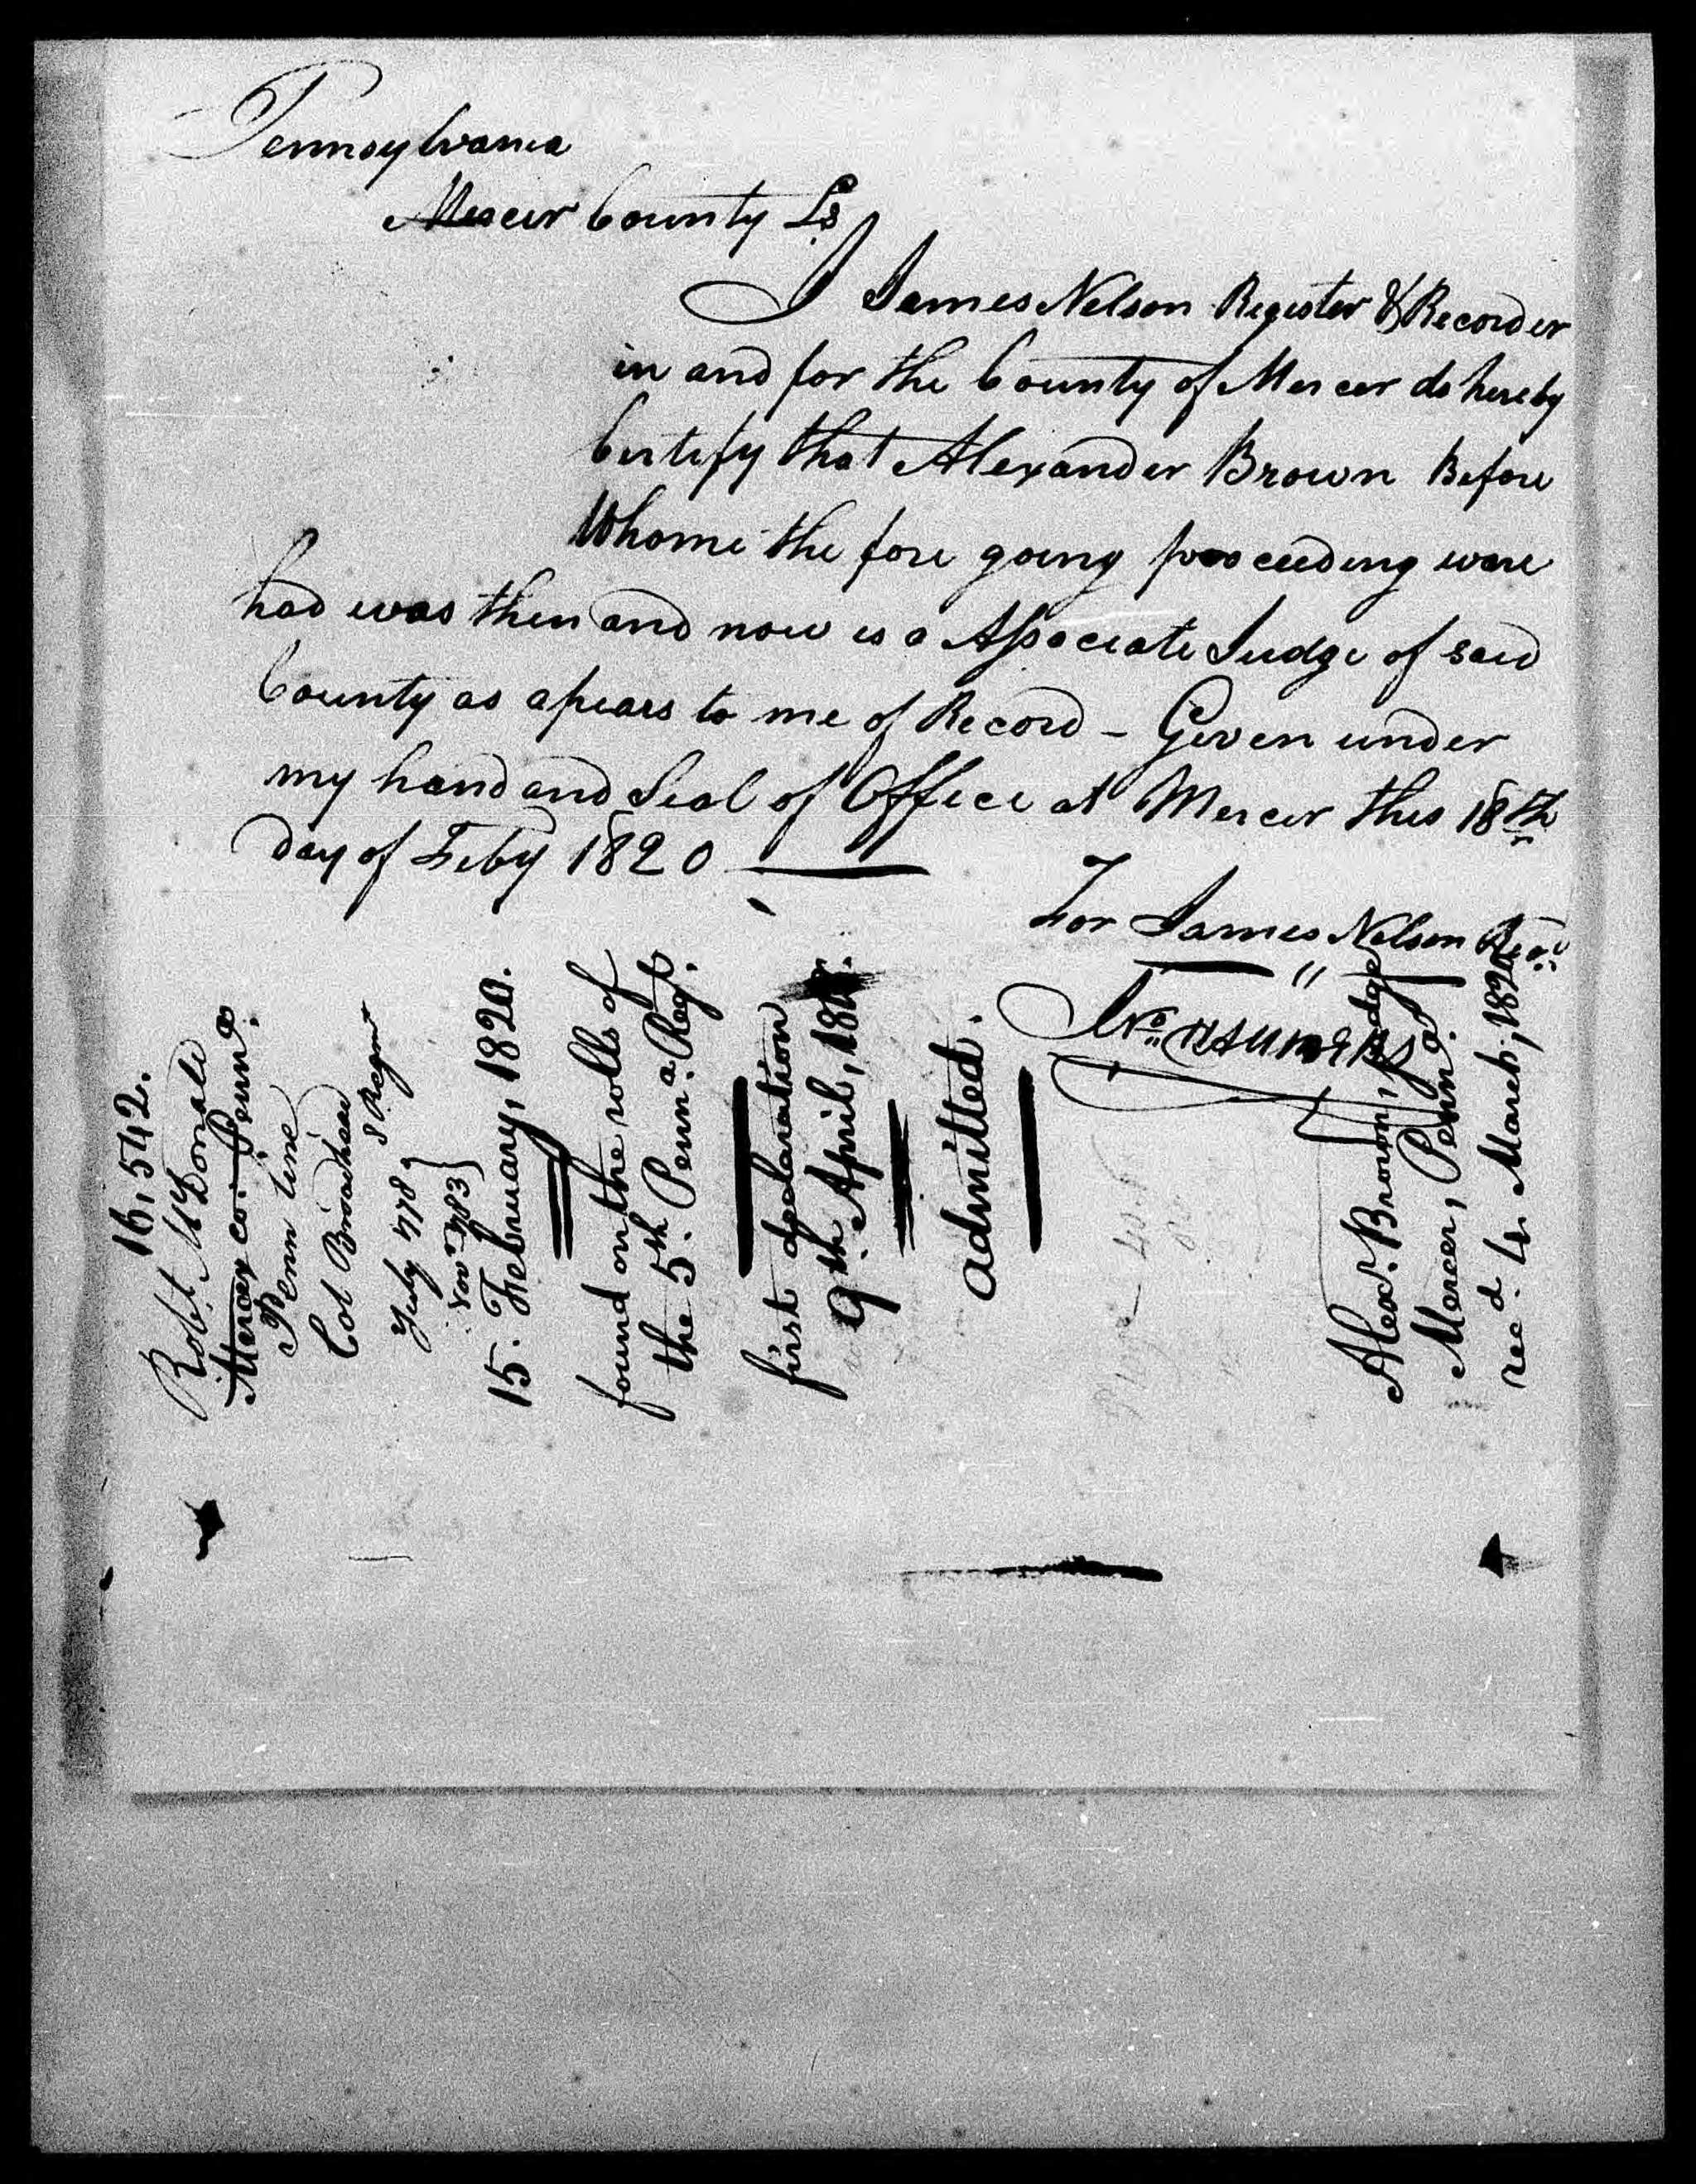Pennsylvania
Mercer County
I James Nelson Register and Recorder in and for the County of Mercer do hereby certify that Alexander Brown Before whom the foregoing proceeding wore has was then and now is a Associate Judge of said County as appears to me of Record-Given under my hand and Seal of Office at Mercer this 18th day of February 1820. For James Nelson Beav.
16.542
Robert McDonali
Mercer Co. Pennsylvania
Col Broadhead
July 778 
you 83
15 February 1829
found on the rolls of the 5th Pennsylvania Regiment
first declaration 
9th April 1828
admitted
Alexander Brown
Mercer, Pennsylvania
received 4 March 1829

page: 11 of 59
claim: widow's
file: W 3703, for Robert Mc Donald, Pennsylvania